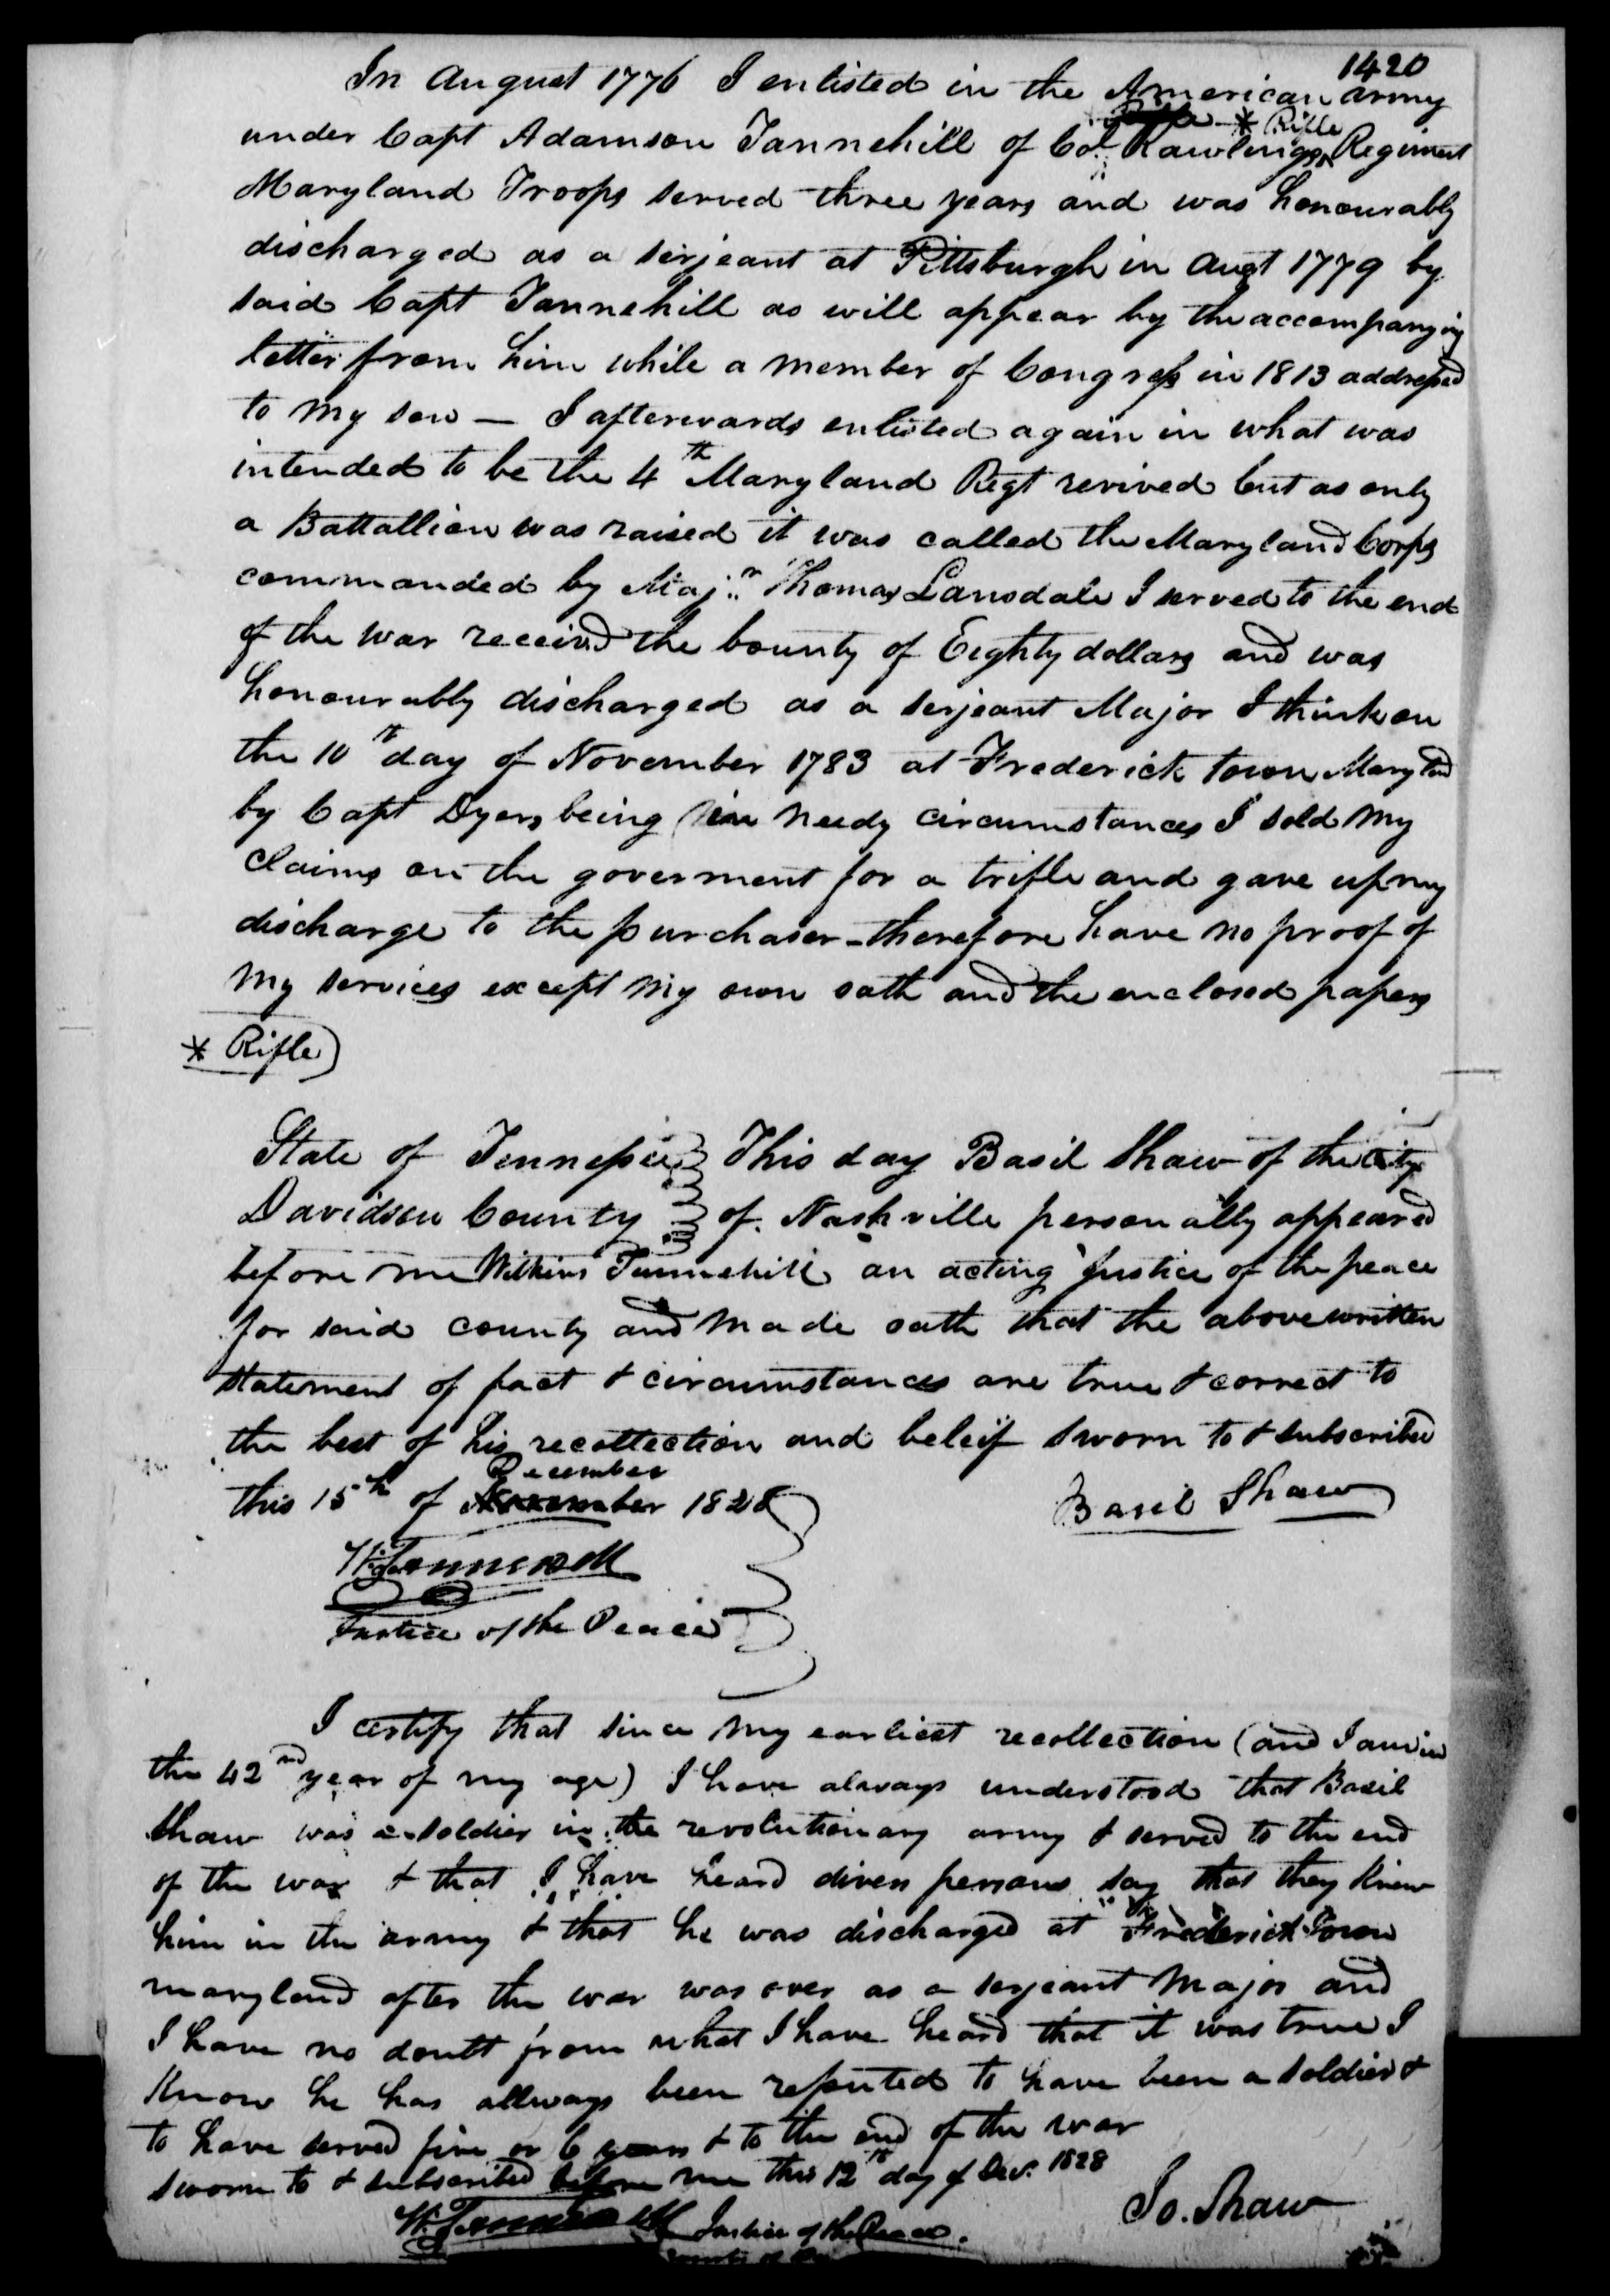1420
In August 1776 I enlisted in the American army
under Capt. Adamson Tannehill of Col. Rawlings' rifle regiment
Maryland Troops served three years and was honorably
discharged as a Sergeant at Pittsburgh in Augt. 1779 by
said Capt. Tannehill as will appear by the accompanying
letter from him while a member of Congress in 1813 addressed
to my son - I afterwards enlisted again in what was
intended to be the 4th Maryland Regt. revived but as only
a battalion was raised it was called the Maryland Corps, 
commanded by Maj. Thomas Lansdale I served to the end
of the war, received the bounty of eighty dollars, and was
honorably discharged as a Sergeant Major, I think on
the 10th day of November 1783 at Fredericktown Maryland
by Capt. Dyers. Being in needy circumstances I sold my
claims on the government for a trifle and gave up my
discharge to the purchaser - therefore have no proof of
my services except my own oath and the enclosed papers.

State of Tennessee Davidson County ss
This day Basil Shaw of the City
of Nashville personally appeared before
me Wilkins Tannehill an acting Justice of the peace for said County and made oath that the above written statement of fact & circumstances are true & correct to the best of his recollection and belief Sworn to & subscribed this 15th of December 1828.
Basil Shaw
W Tannehill
Justice of the Peace


I certify that since my earliest recollection (and I am in the 42nd year of my age) I have always understood that Basil Shaw was a soldier in the revolutionary army & served to the end
of the war & that I have heard divers persons say that they knew him in the army & that he was discharged at Frederick Town Maryland after the war was over as a sergeant Major. And I have no doubt from what I have heard that it was true. I
know he has allways been reputed to have been a soldier & to have served five or 6 years & to the and of the war. Jo. Shaw

Sworn to & subscribed before me this 12th day of Oct 1828
W Tannehill
Justice of the Peace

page: 30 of 32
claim: survivor's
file: S. 16,526, for Basil Shaw, Maryland